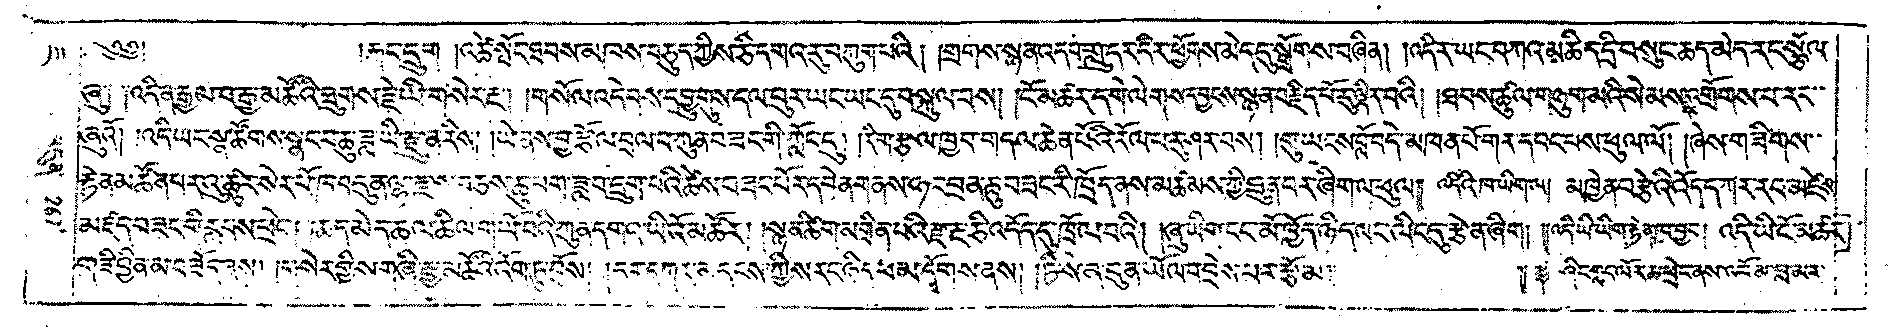༄༅། །རྐང་དྲུག །འཚེ་སྤོང་ཐབས་མཁས་བཅུད་ཀྱིས་ཅི་དགའ་རུ་བཀུག་པའི། །གྲགས་སྙན་འདབ་གླུ་དར་དིར་ཕྱོགས་མེད་དུ་སྒྲོགས་བཞིན། །འདིར་ཡང་བཀའ་མཆིད་དྲི་བསུང་ཆད་མེད་རང་སྩོལ་
ཞུ༑ ༑འདི་ན་རྒྱལ་བ་རྒྱ་མཚོའི་ཐུགས་རྗེ་ཡི་གསེར་རྔ། །གསོལ་འདེབས་དབྱུ་གུས་དལ་བུར་ཡང་ཡང་དུ་བསྐུལ་བས། །ངོ་མཚར་དགེ་ལེགས་དབྱངས་སྙན་བརྗིད་པོ་རུ་ལྡིར་བའི། །ཐབས་ཚུལ་གཉུག་མའི་སེམས་དང་འགྲོགས་པ་རང་
ཞུའོ། །འདི་ཡང་སྣ་ཚོགས་སྣང་བ་ཆུ་ཟླ་ཡི་རྫུན་རིས། །ཡེ་ནས་བྱ་རྩོལ་བྲལ་བ་ཀུན་བཟང་གི་ཀློང་དུ། །རིག་རྩལ་ཁྱབ་གདལ་ཆེན་པོའི་རོལ་པ་རུ་ཤར་བས། །གུ་ཡངས་བློ་བདེ་མཁན་པོ་གར་དབང་པས་ཕུལ་ལོ། །ཞེས་གཟིགས་
རྟེན་མཚོན་པར་འུ་ཚུར་སེར་པོ་ཁ་བདུན་ལྷ་རྫས་བཅས་ཆུ་ཕག་ཟླ་བ་དྲུག་པའི་ཚེས་བཟང་པོར་དབེན་གནས་ཉང་བྲན་ཆུ་བཟང་རི་ཁྲོད་ནས་མཚམས་ཀྱི་ཐུན་པར་ཞིག་ལ་ཕུལ།། འདིའི་ཁ་ཡིག་ལ།  མཁྱེན་བརྩེའི་འོད་དཀར་རབ་མཛེས་
མཛད་བཟང་གི་རླབས་ཕྲེང་། །ཆད་མེད་ཆལ་ཆིལ་གཡོ་བའི་ཀུན་དགའ་ཡིའོ་མཚོར། །སྙན་ཚིག་མགྲིན་པའི་རྫ་རྔ་ཅི་འདོད་དུ་ཁྲོལ་བའི། །ཞུ་ཡིག་ངང་མོ་ཁྱོད་ཉིད་ལང་ལིང་དུ་རྩེན་ཞིག ། །།འདི་ཡི་ཡིག་རྟེན་ཁ་བྱང་།  འདི་ཡི་ངོ་མཚར་
གཟི་བྱིན་མ་བཟོད་ནས། །གསེར་གྱིས་གཞི་རྒྱ་མཚོའི་འོག་ཏུ་བྲོས། །དར་དཀར་མདངས་ཀྱིས་རང་ཉིད་ཕམ་དྭོགས་ནས། །ཏི་སེ་ན་བུན་ཡོལ་བ་བྲེས་པར་རྩོམ།། །།༈ ཤིང་གླང་ལོར་ཆ་ཕྲེང་ནས་འབོམ་བླ་མར་